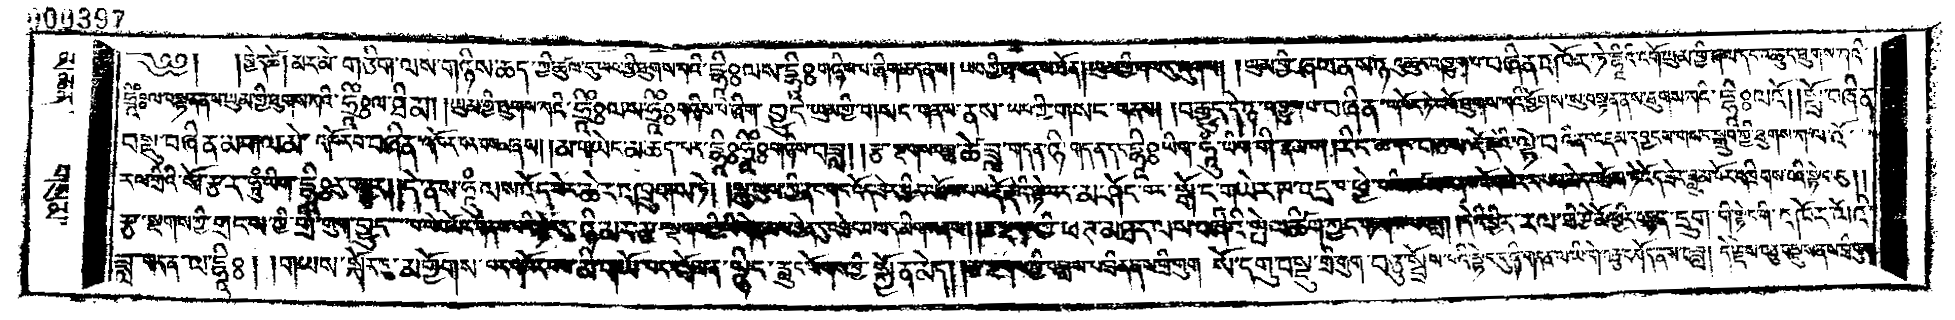༄༅། །བྱེད་ཚེ། མར་མེ་གཅིག་ལས་གཉིས་ཆད་ཀྱི་ཚུལ་དུ་ཡབ་ཀྱི་ཐུགས་པའི་དྷཱིཿ ལས་དྷཱིཿ གཉིས་པ་ཞིག་ཆད་ནས། ཡབ་ཀྱི་ཞལ་ནས་ཐོན། ཡུམ་གྱི་ཞལ་དུ་ཞུགས། །ཡུམ་གྱི་ཞལ་ནས་ཉ་འུ་ཆུང་འཁྱུག་པ་བཞིན་འཁོར་ཏེ་དྷཱིའི་འགོ་ཡུམ་གྱི་ཞལ་དང་འཆུང་ཐུགས་ཀའི་
ཧྲཱིཾཿ ལ་བསྟན་ནས་ཡུམ་གྱི་ཐུགས་ཀའི་ཧྲཱིཾཿ ལ་ཐིམ། །ཡུམ་གྱི་ཐུགས་ཀའི་ཧྲཱིཾཿ ལས་ཧྲཱིཾཿ གཉིས་པ་ཞིག་བྱུང་ཡུམ་གྱི་གསང་གནས་ནས་ཡབ་ཀྱི་གསང་གནས། །བརྒྱུད་དེ་ཉ་འཁྱུག་པ་བཞིན་འཁོར་ཏེ་འགོ་ཐུགས་ཀའི་ཕྱོགས་སུ་བསྟན་ནས་ཐུགས་ཀའི་དྷཱིཿ ལའོ། །སྤྲོ་བཞིན་
བསྡུ་བཞིན་མགལ་མེ་འཁོར་བ་བཞིན་འཁོར་བར་བསམ་ནས།  །མ་གཡེང་མ་ཆད་པར་དྷཱིཿ ཧྲཱིཾཿ གཉིས་བཟླ། །རྩ་སྔགས་བཟླ་ཚེ་ཟླ་གདན་ཉི་གདན་དང་དྷཱིཿ ཡིག་ཧཱུཾ་ཡིག་གི་རྣམ་པ།  །རིང་ཆ་དང་བཅས་རྡོ་རྗེའི་ལྟེ་བའི་ནང་འཇམ་དབྱངས་གསང་སྒྲུབ་ཀྱི་ཐུགས་ཀ་ལ་འོ་
རལ་གྲིའི་སོ་རྩར་ཧཱུཾ་ཡིག་དྷཱིཿ རུ་བསྒྱུར།  །དེ་ནས་ཧཱུཾ་ལས་འོད་ཟེར་ཆེར་འཁྲུགས་ཏེ། ། སྐུ་ལུས་ཀྱི་ནང་གང་འོད་ཟེར་ཕྱིར་འཕྲོས་པས་རྡོ་རྗེའི་ལྟེ་བར་མ་ཤོང་བར་སྒོ་ང་གཡེར་ཁ་འདྲ་བ་ཕྱེ་བའི་མཚམས་ནས་འོད་ཟེར་དཔག་མེད་འཕྲོས་ཏེ་འོད་ཟེར་ཟླུམ་པོར་འཁྲིགས་པའི་སྟེང་དུ། །
རྩ་སྔགས་ཀྱི་གྲངས་ཀྱི་གྲི་གུག་བྱུང་བ་ལེབ་མོར་གནས་པའི་སྟེང་དུ་ཉི་མར་རྩ་སྔགས་ཀྱི་ཡི་གེ་རྣམས་གྱེན་དུ་འགྲེང་བ་ལ་དམིགས་ནས། །རྩ་སྔགས་ཀྱི་ཕཊ་མཐར་ལས་བཞིའི་སྤེལ་ཚིག་ཀྱང་བཏགས་ལ་བཟླ། །དེའི་ཕྱིར་རལ་གྲི་རྩེ་མོ་ཕྱིར་བསྟན་དྲུག་གི་སྟེང་གི་འཁོར་ལོའི་
ཟླ་གདན་ལ་དྷཱིཿ། །གཡས་སྐོར་དུ་མགྱོགས་པར་འཁོར་བས་མི་གཡོ་བར་བསྒོམ་ན་སྙིང་རླུང་སོགས་ཀྱི་སྐྱོན་མེད། །རྩ་སྔགས་ཀྱི་བཟླས་པ་ཟིན་ནས་གྲི་གུག་སོ་དགུ་བསྡུ་གྲི་གུག་བཅུ་སྤྲོས་པའི་སྟེང་དུ་ཉི་གདན་ལ་ཡི་གེ་བཅུ་བཀོད་ནས་བཟླ། དེ་རྗེས་བཅུ་བསྡུས་ནས་གྲི་གུག་